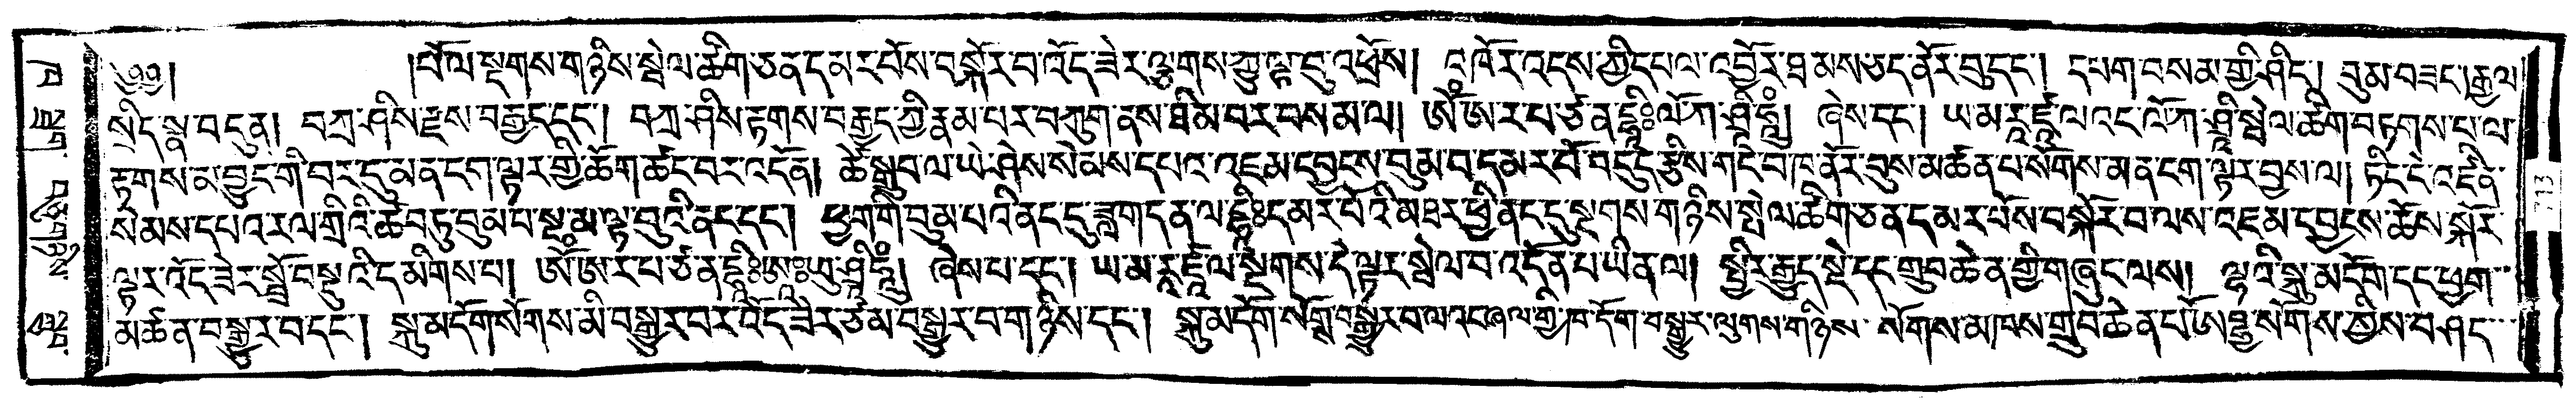༄༅། །པོ་ལ་སྔགས་གཉིས་སྤེལ་ཚིག་ཅན་དམར་པོས་བསྐོར་བ་འོད་ཟེར་ལྕགས་ཀྱུ་ལྟ་བུ་འཕྲོས། འཁོར་འདས་ཀྱི་དཔལ་འབྱོར་ཐམས་ཅད་ནོར་བུ་དང་། དཔག་བསམ་གྱི་ཤིང་། བུམ་བཟང་། རྒྱལ་
སྲིད་སྣ་བདུན། བཀྲ་ཤིས་རྫས་བརྒྱད་དང་། བཀྲ་ཤིས་རྟགས་བརྒྱད་ཀྱི་རྣམ་པར་བཀུག་ནས་ཐིམ་པར་བསམ་ལ། ཨོཾ་ཨ་ར་པ་ཙ་ན་དྷཱིཿལོ་ཀ་ཤྲཱི་ཧཱུཾ། ཞེས་དང་། ཡ་མ་རཱ་ཛཱ་ལའང་ལོ་ཀ་ཤྲཱི་སྤེལ་ཚིག་བཏགས་པ་ལ་
རྟགས་མ་བྱུང་གི་བར་དུ་མན་ངག་ལྟར་གྱི་ཆོག་ཚང་བར་འདོན། ཚེ་སྒྲུབ་ལ་ཡེ་ཤེས་སེམས་དཔའ་འཇམ་དབྱངས་བུམ་བ་དམར་པོ་བདུད་རྩིས་གང་བ་ཁ་ནོར་བུས་མཚན་པ་སོགས་མན་ངག་ལྟར་བྱས་ལ། ཏིང་ངེ་འཛིན་
སེམས་དཔའ་རལ་གྲིའི་ཚབ་ཏུ་བུམ་པ་སྔ་མ་ལྟ་བུའི་ནང་དང་། ཕྱག་གི་བུམ་པའི་ནང་དུ་ཟླ་གདན་ལ་དྷཱིཿདམར་པོའི་མཐར་ཕྱི་ནང་དུ་སྔགས་གཉིས་སྤེལ་ཚིག་ཅན་དམར་པོས་བསྐོར་བ་ལས་འཇམ་དབྱངས་ཆོས་སྐོར་
ལྟར་འོད་ཟེར་སྤྲོ་བསྡུའི་དམིགས་པ། ཨོཾ་ཨ་ར་པ་ཙ་ན་དྷཱིཿཨཱཿཡུ་ཤྲཱི་ཧཱུཾ། ཞེས་པ་དང་། ཡ་མ་རཱ་ཛཱ་ལ་སྔགས་དེ་ལྟར་སྤེལ་བ་འདོན་པ་ཡིན་ལ། སྤྱིར་རྒྱུད་སྡེ་དང་གྲུབ་ཆེན་གྱི་གཞུང་ལས། ལྷའི་སྐུ་མདོག་དང་ཕྱག་
མཚན་བསྒྱུར་བ་དང་། སྐུ་མདོག་སོགས་མི་བསྒྱུར་བར་འོད་ཟེར་ཙམ་བསྒྱུར་བ་གཉིས་དང་། སྐུ་མདོག་སོགས་བསྒྱུར་བ་ལའང་ཞལ་གྱི་ཁ་དོག་བསྒྱུར་ལུགས་གཉིས་སོགས་མཁས་གྲུབ་ཆེན་པོ་ཨ་བྷྱ་སོགས་ཀྱིས་བཤད་